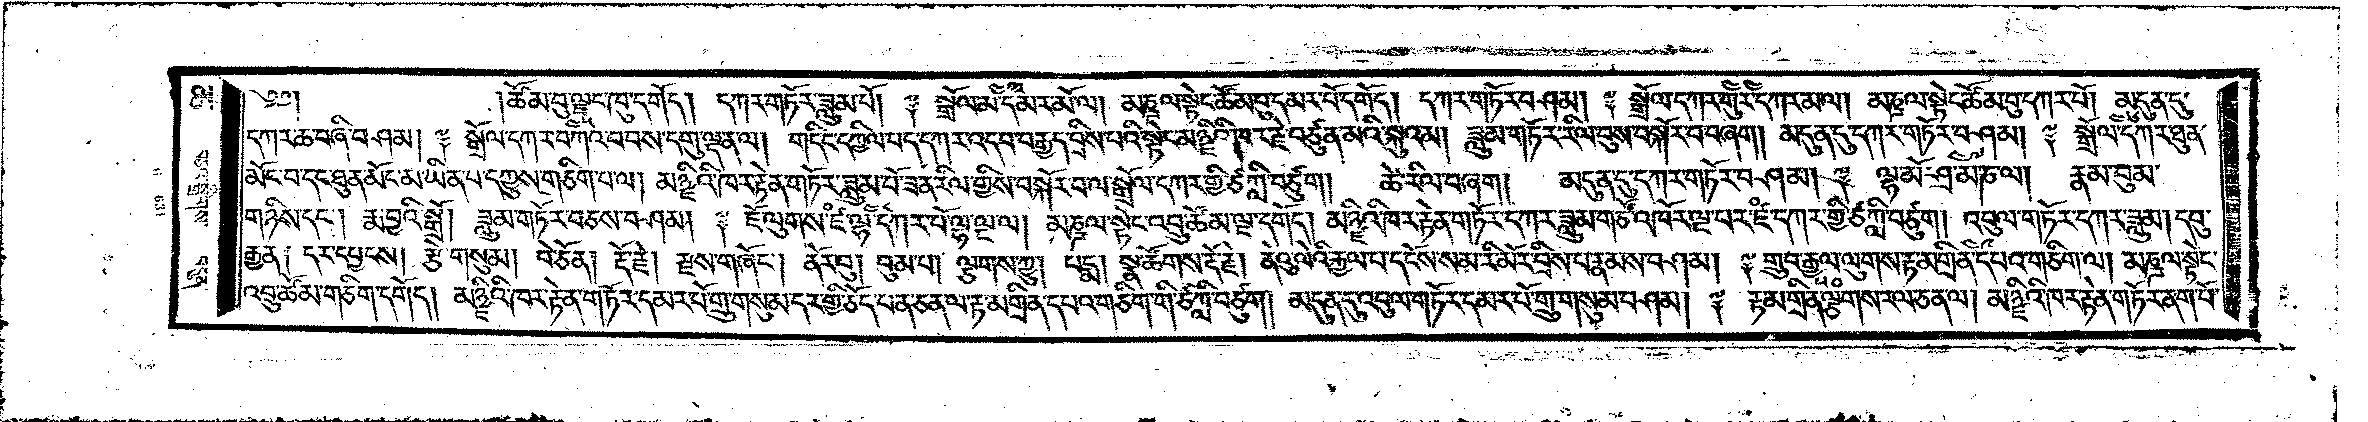༄༅། །ཚོམ་བུ་ལྗང་ཁུ་དགོད། དཀར་གཏོར་ཟླུམ་པོ། ༈ སྒྲོལ་མ་དམར་མོ་ལ། མཎྜལ་སྟེང་ཚོམ་བུ་དམར་པོ་དགོད། དཀར་གཏོར་བཤམ། ༈ སྒྲོལ་དཀར་གུར་དཀར་མ་ལ། མཎྜལ་སྟེང་ཚོམ་བུ་དཀར་པོ། མདུན་དུ་
དཀར་ཆ་བཞི་བཤམ། ༈སྒྲོལ་དཀར་བཀའ་བབས་དགུ་ལྡན་ལ། གདིང་དཀྱིལ་པད་དཀར་འདབ་བརྒྱད་བྲིས་པའི་སྟེང་མཉྫིའི་ཁར་རྗེ་བཙུན་མའི་སྐུའམ། ཟླུམ་གཏོར་རིལ་བུས་བསྐོར་བ་བཞག། མདུན་དུ་དཀར་གཏོར་བཤམ། ༈ སྒྲོལ་དཀར་ཐུན་
མོང་བ་དང་ཐུན་མོང་མ་ཡིན་པ་དཀྱུས་གཅིག་པ་ལ། མཉྫིའི་ཁར་རྟེན་གཏོར་ཟླུམ་པོ་ཟན་རིལ་གྱིས་བསྐོར་བ་ལ་སྒྲོལ་དཀར་གྱི་ཙཀླི་བཙུག། ཚེ་རིལ་བཞག། མདུན་དུ་དཀར་གཏོར་བཤམ། ༈ ལྷ་མོ་ཤྲ་མ་ཎ་ལ། རྣམ་བུམ་
གཉིས་དང་། རྨ་བྱའི་སྒྲོ། ཟླུམ་གཏོར་བཅས་བཤམ། ༈ ཇོ་ལུགས་ཛཾ་ལྷ་དཀར་པོ་ལྷ་ལྔ་ལ། མཎྜལ་སྟེང་འབྲུ་ཚོམ་ལྔ་དགོད། མཉྫིའི་ཁར་རྟེན་གཏོར་དཀར་ཟླུམ་གཙོ་འཁོར་ལྔ་པར་ཛཾ་དཀར་ཀྱི་ཙཀླི་བཙུག། འབུལ་གཏོར་དཀར་ཟླུམ། དབུ་
རྒྱན༑ དར་དཔྱངས། རྩེ་གསུམ། བེ་ཅོན། རྡོ་རྗེ། ཛས་གཞོང་། ནོར་བུ། བུམ་པ། ལྕགས་ཀྱུ། པདམ། སྣ་ཚོགས་རྡོ་རྗེ། ནེའུ་ལེའི་རྐྱལ་པ་དངོས་སམ་རི་མོར་བྲིས་པ་རྣམས་བཤམ། ༈ གྲུབ་རྒྱལ་ལུགས་རྟ་མགྲིན་དཔའ་གཅིག་ལ། མཎྜལ་སྟེང་
འབྲུ་ཚོམ་གཅིག་དགོད། མཉྫིའི་ཁར་རྟེན་གཏོར་དམར་པོ་གྲུ་གསུམ་དར་གྱི་ཅོད་པན་ཅན་ལ་རྟ་མགྲིན་དཔའ་གཅིག་གི་ཙཀླི་བཙུག ། མདུན་དུ་འབུལ་གཏོར་དམར་པོ་གྲུ་གསུམ་བཤམ། ༈ རྟ་མགྲིན་ལྕགས་རལ་ཅན་ལ། མཉྫིའི་ཁར་རྟེན་གཏོར་ནག་པོ་